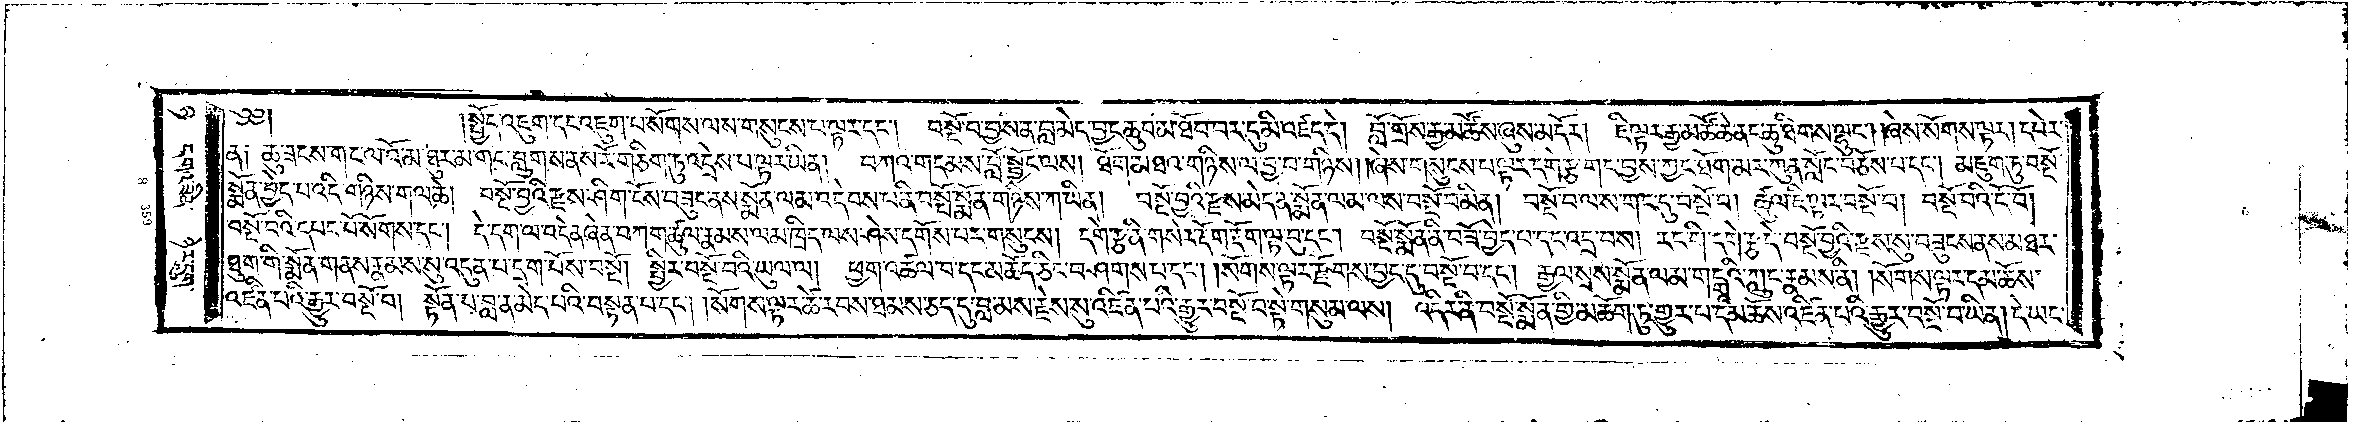༄༅། །སྤྱོད་འཇུག་དང་འཇུག་པ་སོགས་ལས་གསུངས་པ་ལྟར་དང་། བསྔོ་བ་བྱས་ན་བླ་མེད་བྱང་ཆུབ་མ་ཐོབ་བར་དུ་མི་འཛད་དེ། བློ་གྲོས་རྒྱ་མཚོས་ཞུས་མདོར། ཇི་ལྟར་རྒྱ་མཚོ་ཆེ་ནང་ཆུ་ཐིགས་ལྷུང་། །ཞེས་སོགས་ལྟར། དཔེར་
ན༑ ཆུ་ཟངས་གང་ལ་འོ་མ་ཐུར་མ་གང་བླུགས་ནས་རོ་གཅིག་ཏུ་འདྲེས་པ་ལྟར་ཡིན། བཀའ་གདམས་བློ་སྦྱོང་ལས། ཐོག་མཐའ་གཉིས་ལ་བྱ་བ་གཉིས། །ཞེས་གསུངས་པ་ལྟར་དགེ་རྩ་གང་བྱས་ཀྱང་ཐོག་མར་ཀུན་སློང་བཅོས་པ་དང་། མཇུག་ཏུ་བསྔོ་
སྨོན་བྱེད་པ་འདི་གཉིས་གལ་ཆེ། བསྔོ་བྱའི་རྫས་ཤིག་ངོས་བཟུང་ནས་སྨོན་ལམ་འདེབས་པ་ནི་བསྔོ་སྨོན་གཉིས་ཀ་ཡིན། བསྔོ་བྱའི་རྫས་མེད་ན་སྨོན་ལམ་ལས་བསྔོ་བ་མིན། བསྔོ་བ་ལས་གང་དུ་བསྔོ་བ། ཚུལ་ཇི་ལྟར་བསྔོ་བ། བསྔོ་བའི་ངོ་བོ།
བསྔོ་བའི་དཔང་པོ་སོགས་དང་། དེ་དག་ལ་བདེན་ཞེན་བཀག་ཚུལ་རྣམས་ལམ་ཁྲིད་ལས་ཤེས་དགོས་པར་གསུངས། དགེ་རྩ་ནི་གསེར་རྡོག་རྡོག་ལྟ་བུ་དང་། བསྔོ་སྨོན་ནི་བཟོ་བྱེད་པ་དང་འདྲ་བས། རང་གི་དགེ་རྩ་དེ་བསྔོ་བྱའི་རྫས་སུ་བཟུངས་ནས་མཐར་
ཐུག་གི་སྨོན་གནས་རྣམས་སུ་འདུན་པ་དྲག་པོས་བསྔོ། སྤྱིར་བསྔོ་བའི་ཡུལ་ལ། ཕྱག་འཚལ་བ་དང་མཆོད་ཅིང་བཤེགས་པ་དང་། །སོགས་ལྟར་རྫོགས་བྱང་དུ་བསྔོ་བ་དང་། རྒྱལ་སྲས་སྨོན་ལམ་གངྒའི་ཀླུང་རྣམས་ནི། །སོགས་ལྟར་དམ་ཆོས་
འཛིན་པའི་རྒྱུར་བསྔོ་བ། སྟོན་པ་བླ་ན་མེད་པའི་བསྟན་པ་དང་། །སོགས་ལྟར་ཚེ་རབས་ཐམས་ཅད་དུ་བླ་མས་རྗེས་སུ་འཛིན་པའི་རྒྱུར་བསྔོ་བ་སྟེ་གསུམ་ལས། འདིར་ནི་བསྔོ་སྨོན་གྱི་མཆོག་ཏུ་གྱུར་པ་དམ་ཆོས་འཛིན་པའི་རྒྱུར་བསྔོ་བ་ཡིན། དེ་ཡང་